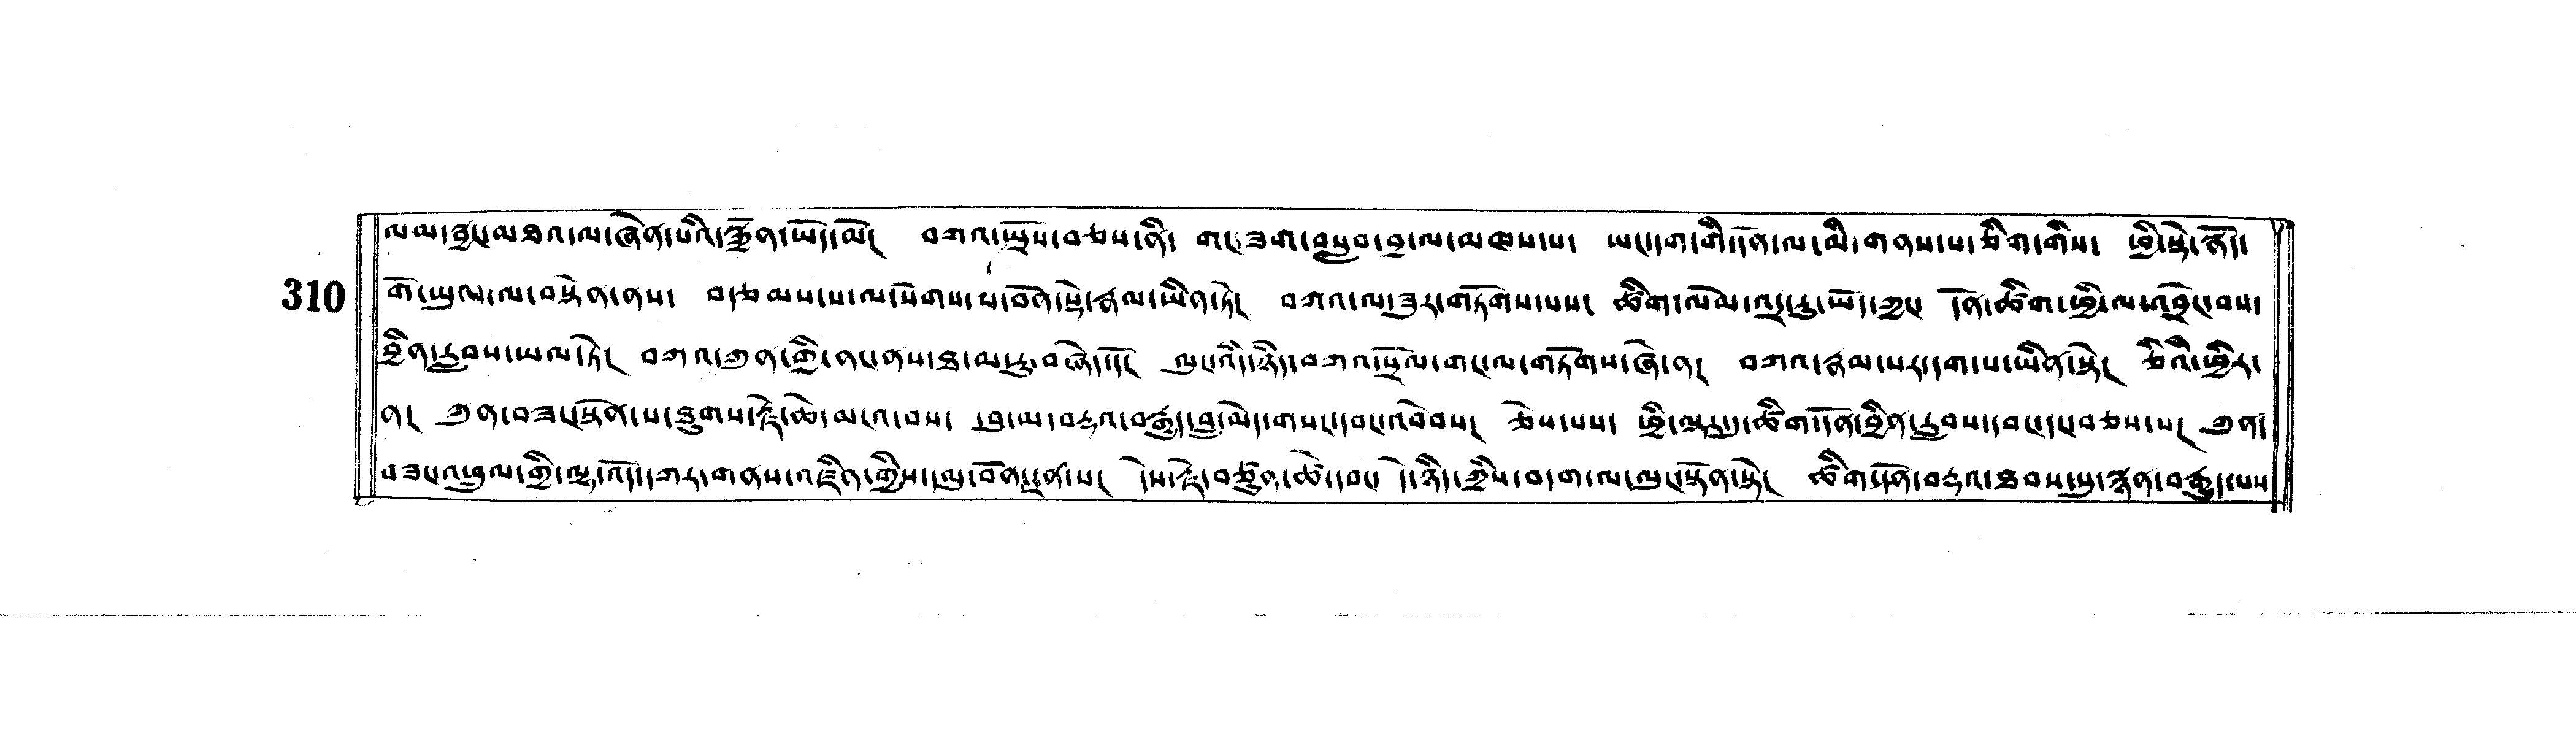ལམ་སྦྱང་མཐའ་ལ་ཞེན་པའི་སྐྱོན་ཡོད་དོ། བཀའ་སྤྲོས་བཅས་ནི། གང་ཟག་བསླབ་བྱ་ལ་མཁས་པ། ཡང་དག་གི་དོན་ལ་མི་མཁས་པ་གཅིག་གིས། ཕྱི་སྡེ་སྣོད་
གོ་ཡུལ་ལ་བརྟེན་ནས་བརྩམས་པ་ལ་སོགས་པ་བོན་སྡེ་རྣམས་ཡིན་ཏེ། བཀའ་ལ་ཟུར་གཏོགས་པས། ཚིག་ལམ་འདྲ་རུ་ཡོད་ཀྱང་། དོན་ཚིག་ཕྱི་ལ་འབྲེང་བས་
བྱིན་རླབས་ཡལ་ཏེ། བཀའ་ཀུན་གྱི་ནང་ནས་ཐ་མ་རུ་བཞེད་དོ། ལུང་འདི་ཉིད་བཀའ་སྲོལ་གང་ལ་གཏོགས་ཞེ་ན། བཀའ་རྣམ་པར་དག་པ་ཡིན་ཏེ། ཅིའི་ཕྱིར་
ན། ཀུན་བཟང་སྟོན་པ་ཐུགས་རྗེ་ཆེ་མངའ་བས། དབུ་མ་བརྡ་རྒྱུད་བླ་མེད་གསང་དབང་འབེབས། ཅེས་པས། ཕྱི་ལྟར་དུ་ཚིག་དོན་བྱིན་རླབས་དབང་དང་བཅས་པ། ཀུན་
བཟང་འཕྲུལ་གྱི་ལྷ་འོད་དཀར་གནས་འཛིན་གྱིས། དམུ་དབང་དྲན་པ། དེས་རྗེ་བཙུན་ཚེ་དབང་། དེ་ཉིད་ཀྱིས་བདག་ལ་ལུང་སྟོན་ཏེ། ཚིག་དོན་བརྡ་ཐགས་སུ་སྙན་བརྒྱུད་པས་